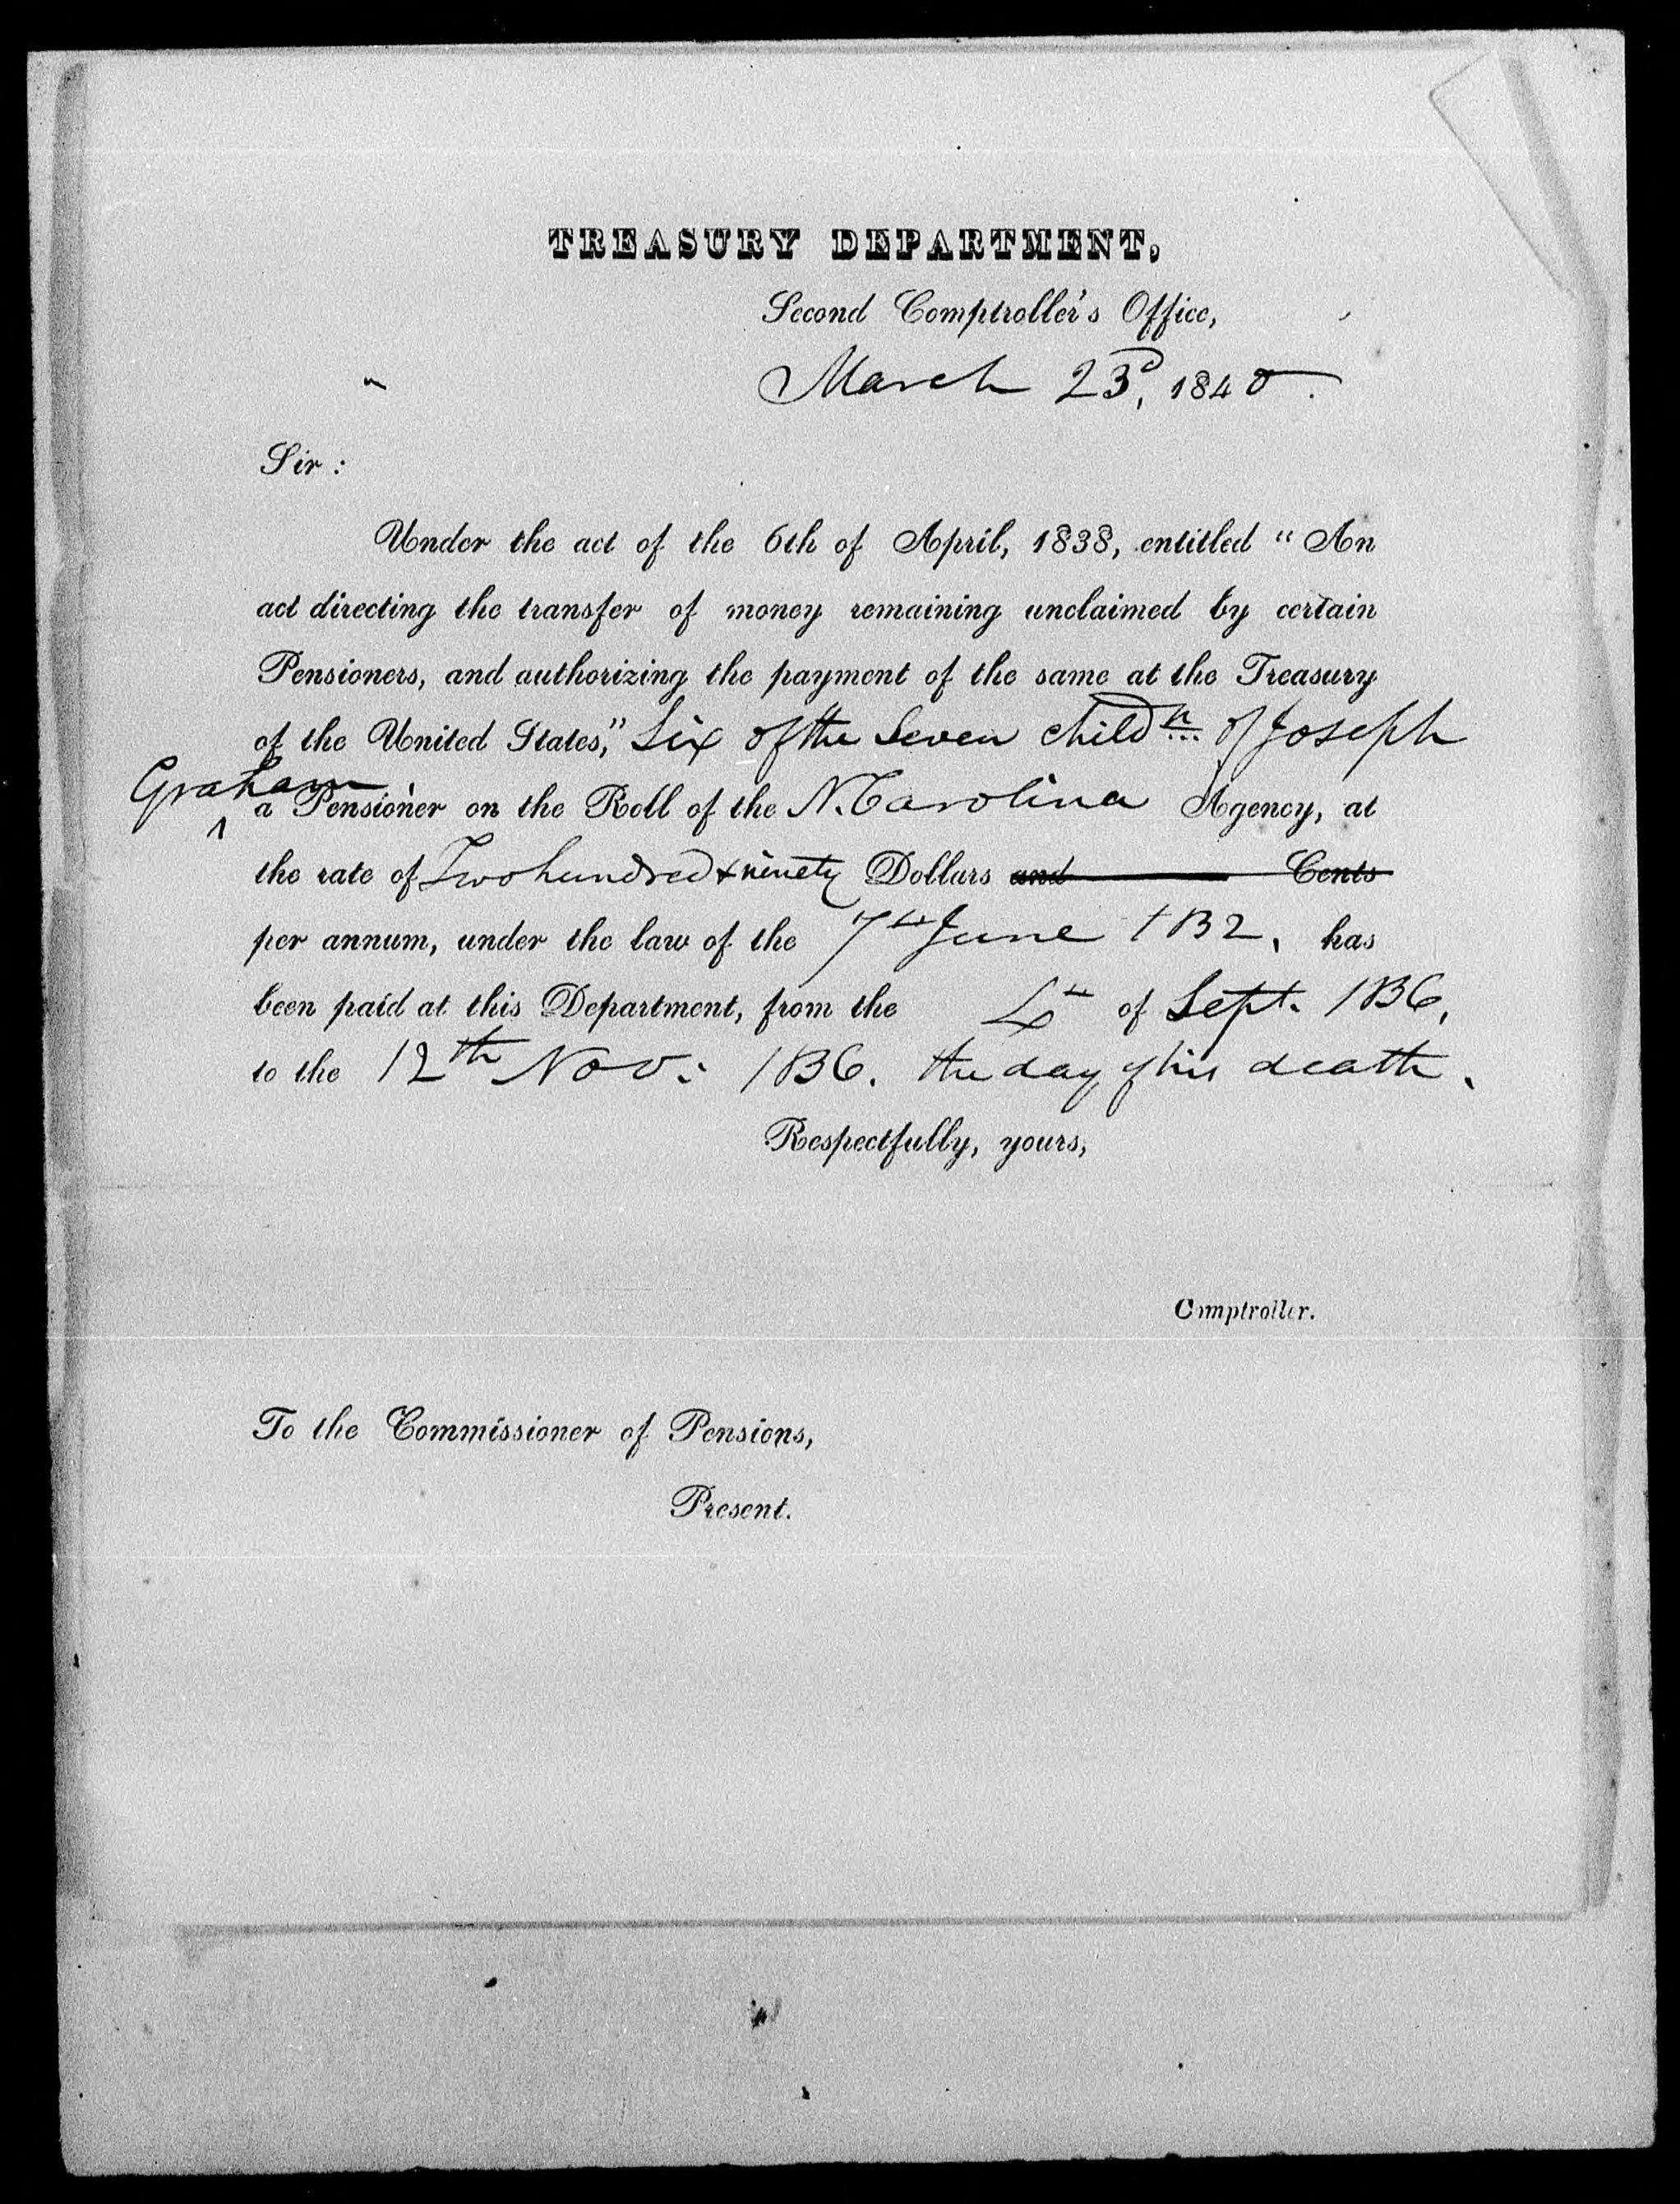TREASURY DEPARTMENT,
Second Comptroller's Office
March 2d1840

Sir:

Under the act of the 6th of April 1833, entitled Än act directing the transfer of many remaining unclaimed by certian Pensions, and authorizing the paymet of the same at the Treasury of the Unite States, "Six of the Seven children of Joseph Graham, a Pesioner on the roll of the N. Carolina Agency, at the rate of Two hundred & ninety Dollars -- per annum, under the law of the 7th June 1832, has been paid at this Department, from the 4th of Sept. 1836, to the 12h Nov. 1836. The day of his death.
Respectfullyours,


Comptroller.

To the Commissioner of Pensions Present.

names: Joseph Graham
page: 55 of 55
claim: survivor's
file: S. 6,937, Joseph Graham, N.C.